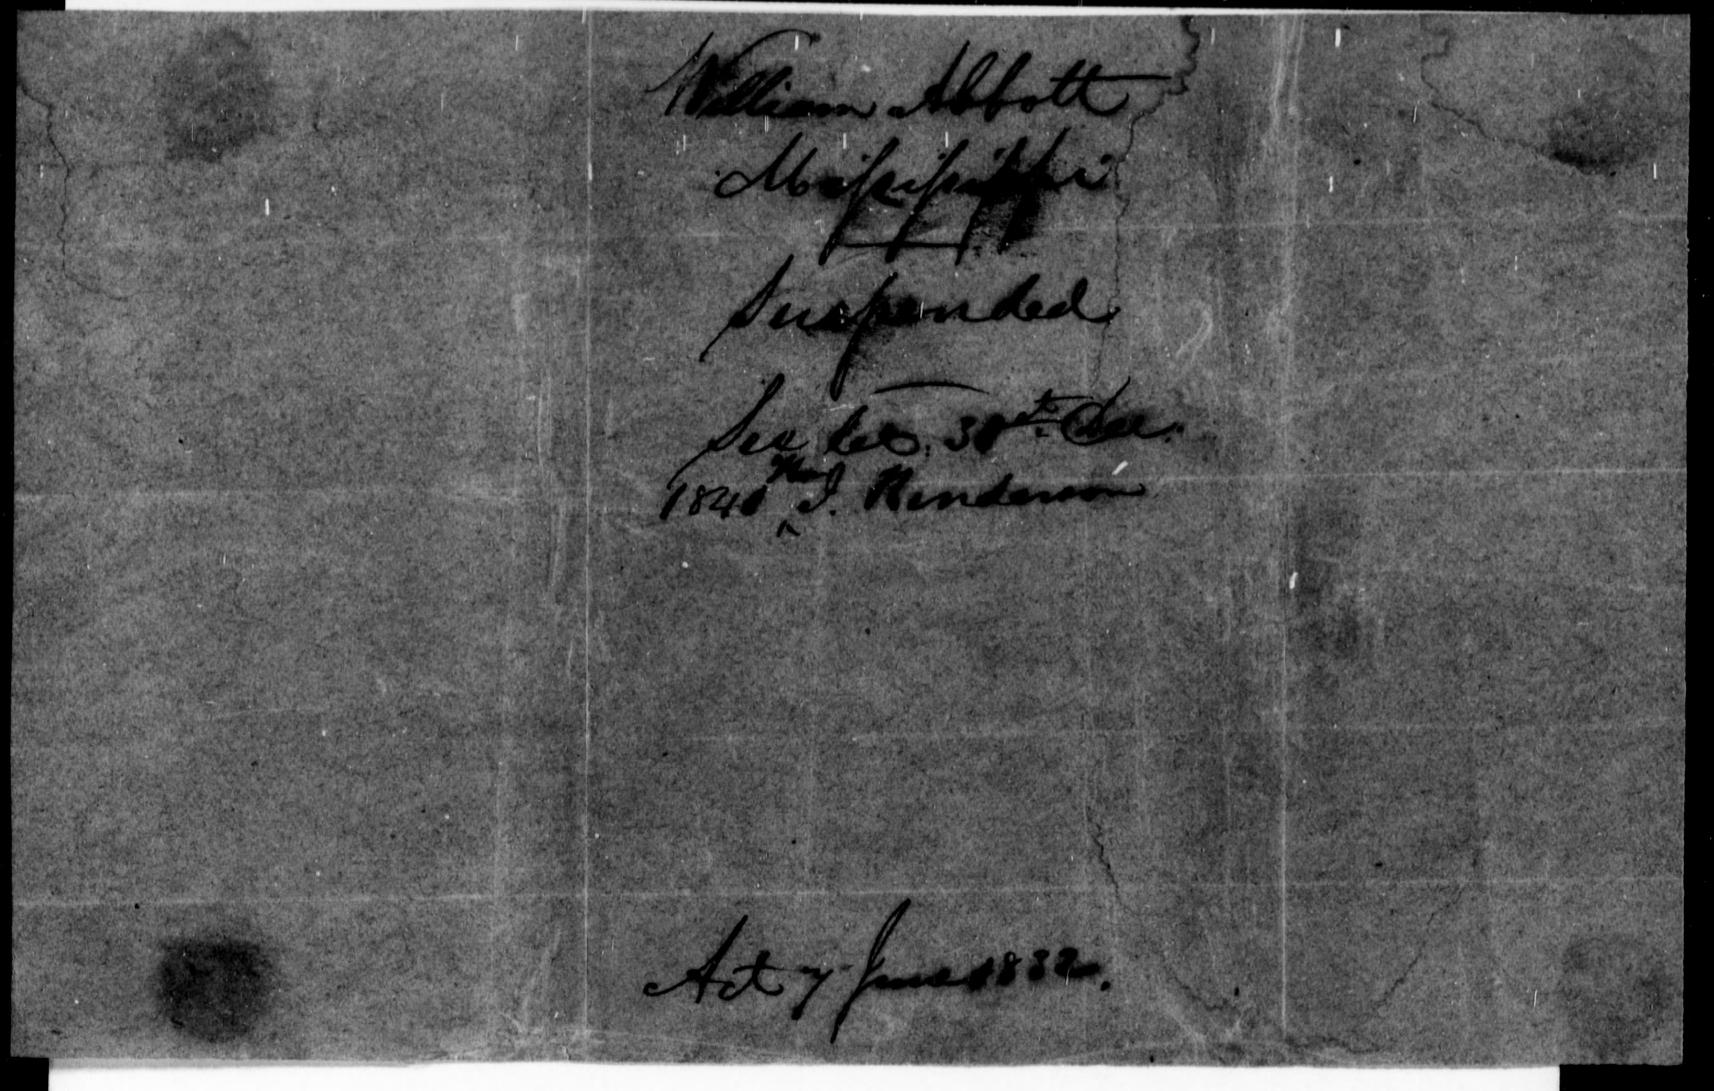William Abbott
Mississippi

Suspended

See let 30th Dec. 1840 Hon J. Henderson

Act 7 June 1832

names: William Abbott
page: 12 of 38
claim: survivor's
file: S. 30. 239, William Abbott, S.C.